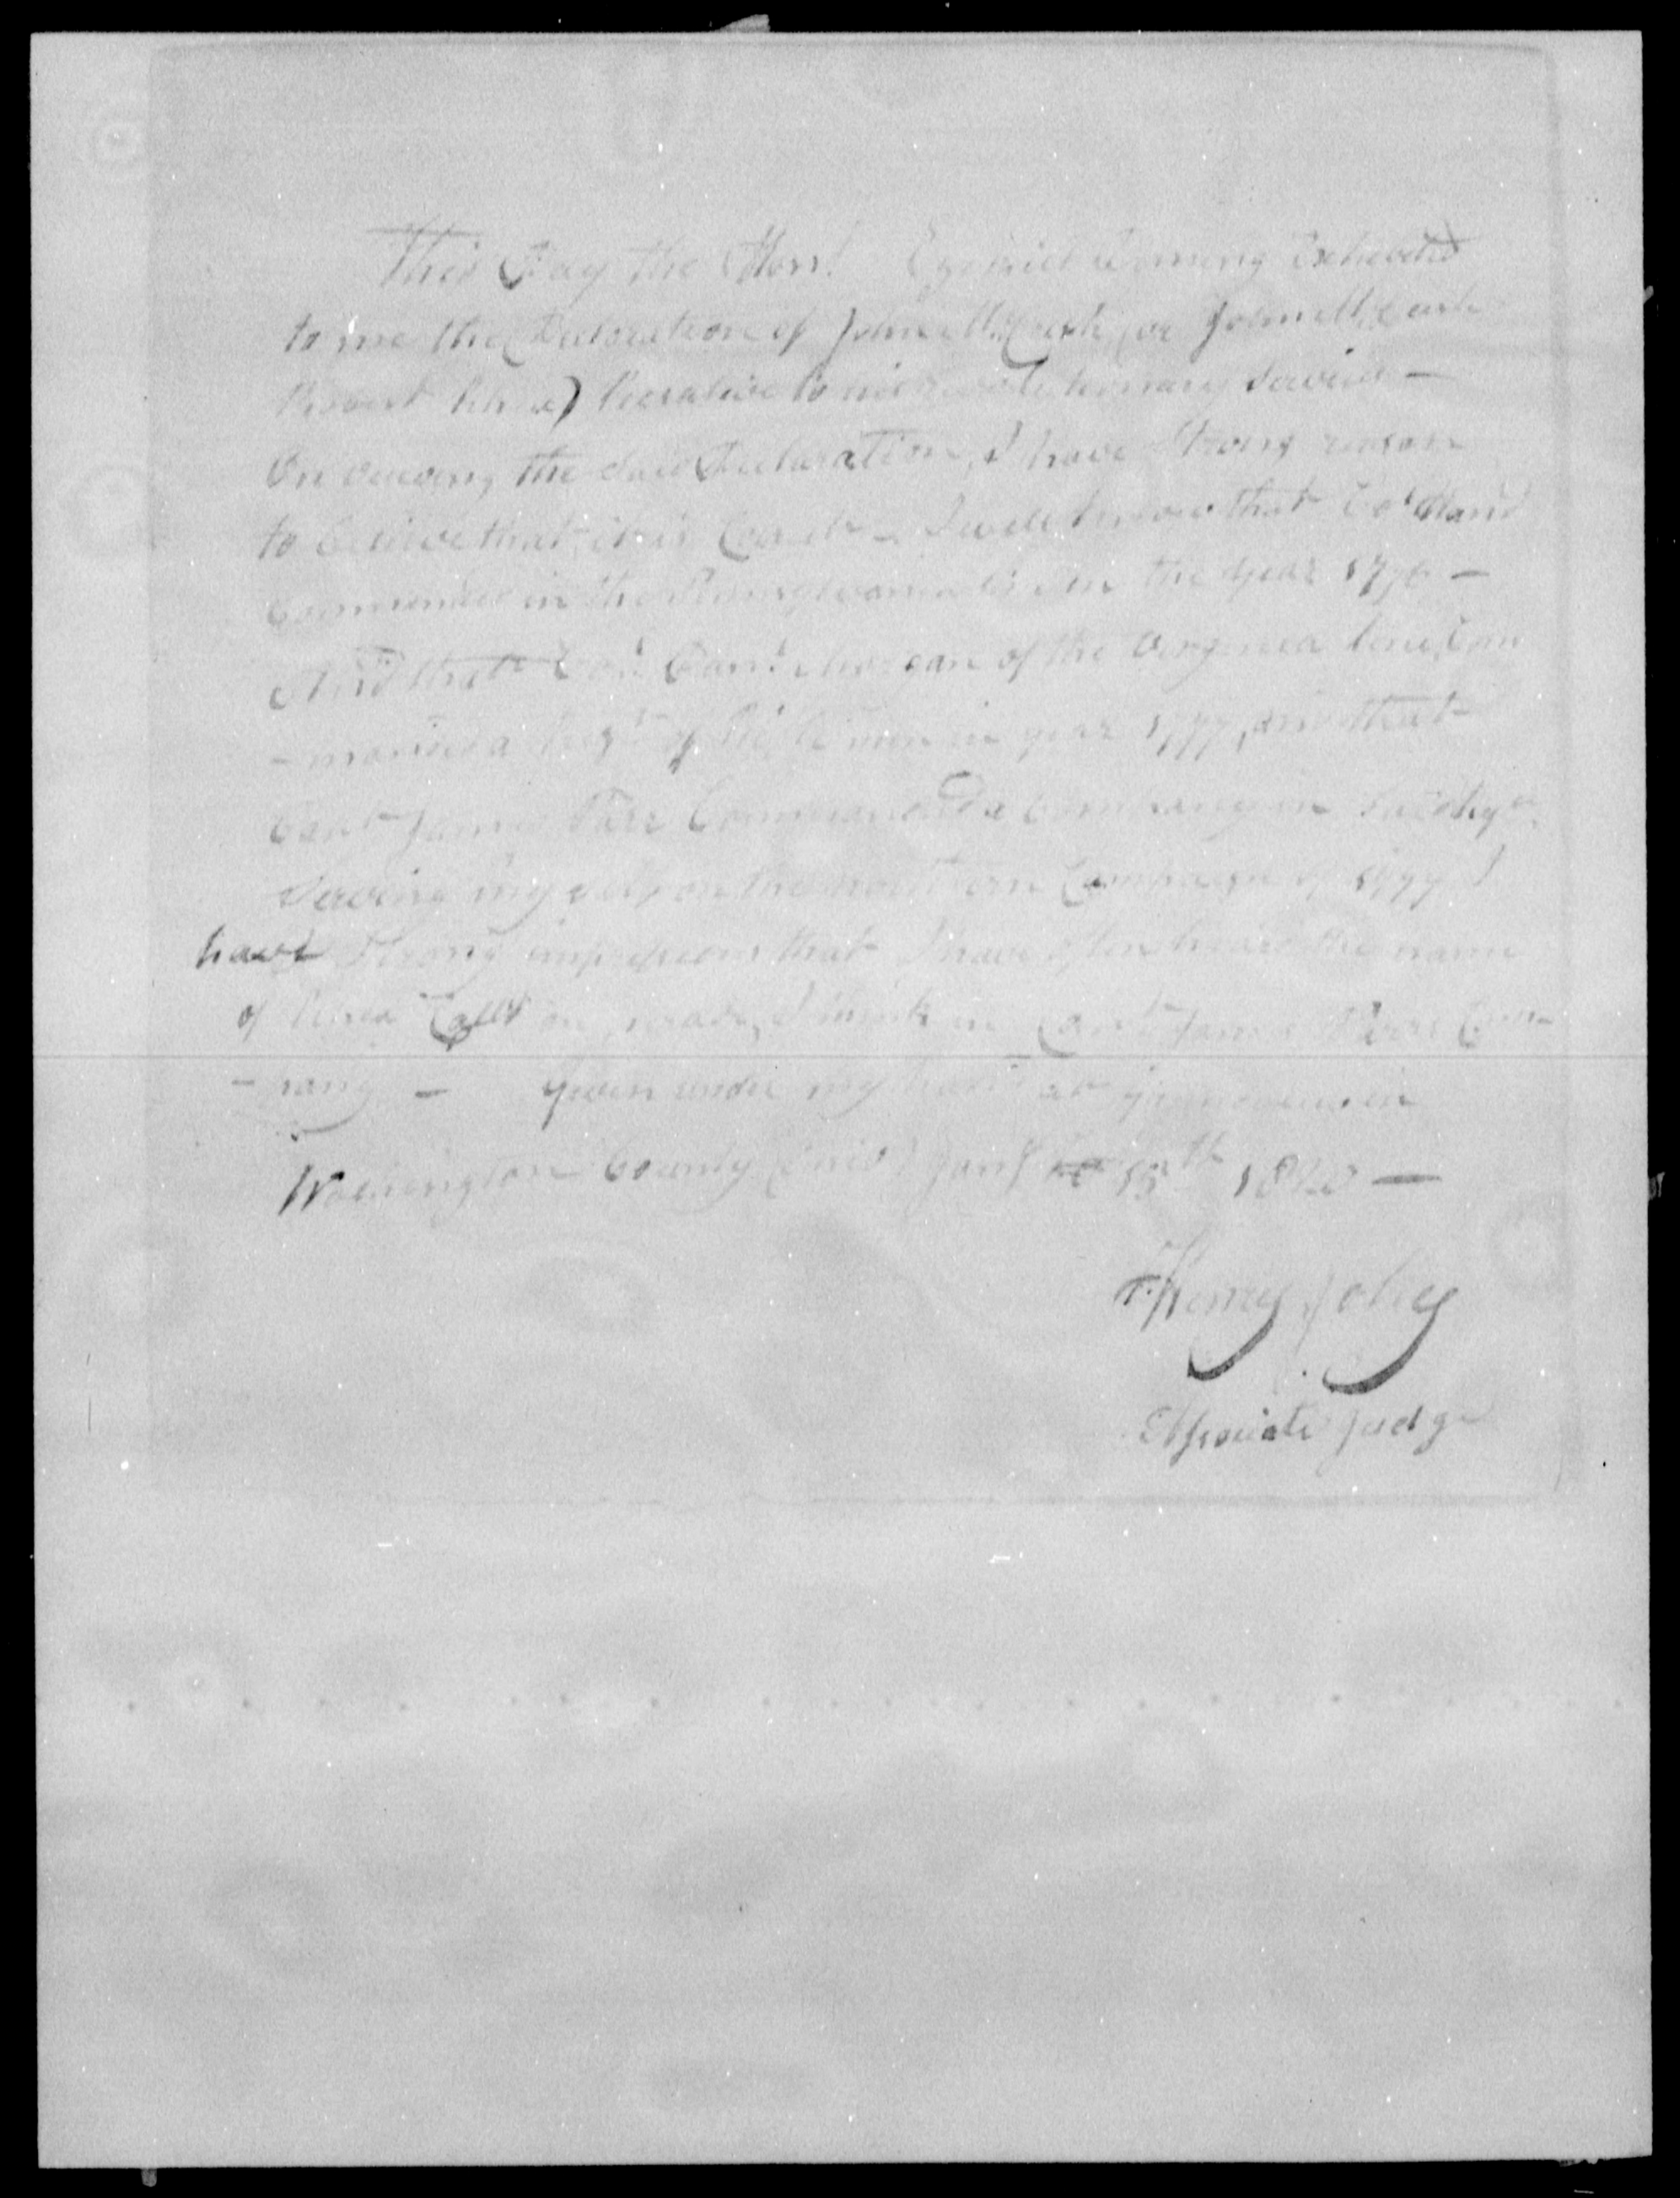This day the Honorable Ezekial Deming [illegible] to me the declaration of James McCush for [illegible]  Robert  [illegible] service - On [illegible] the said declaration, I have strong reason to believe that this Court  [illegible]  Commander in the Pennsylvania [illegible] in the year 1776 - 
[Illegible]
Washington County Jany 15th 1820
Henry Jolly
Associate Judge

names: Robert Rhea; Henry Jolly; Ezekiel Deming; John Mc Cush; John Mc Cush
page: 12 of 20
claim: survivor's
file: S. 40,990, for John Mc Cush Robert Ray, Pennsylvania